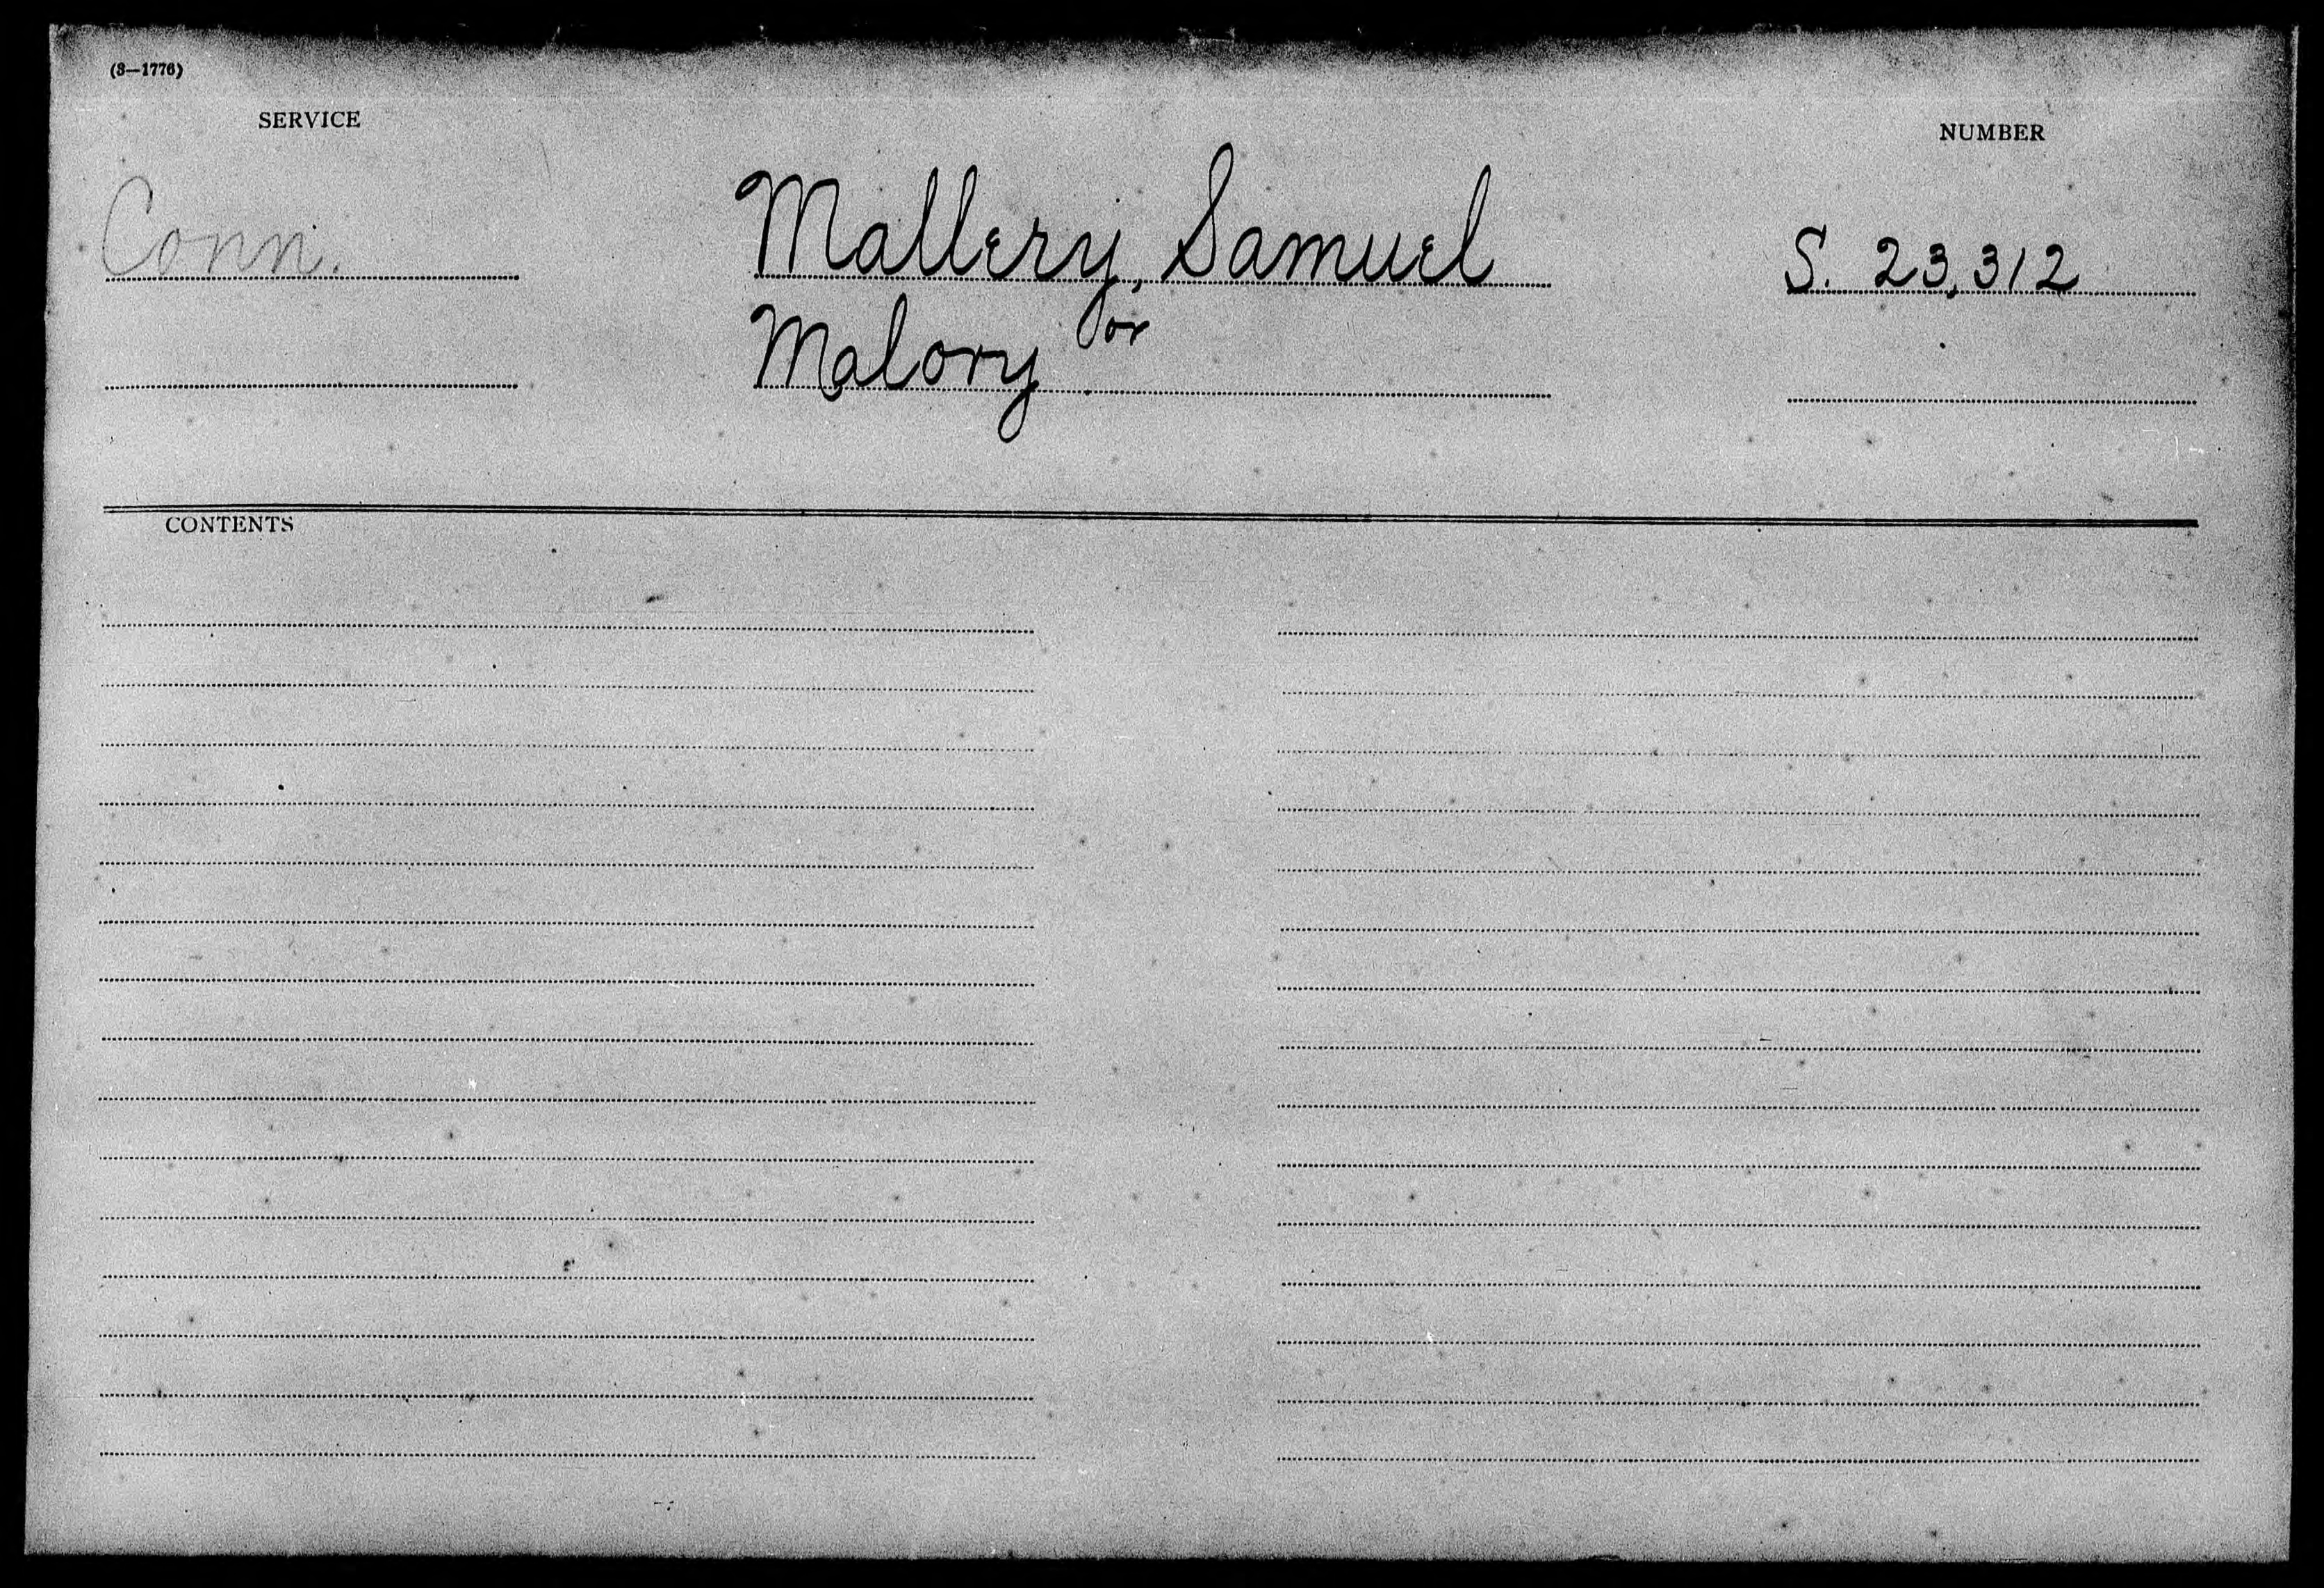SERVICE  Conn.
Mallery, Samuel
Malory or
NUMBER S. 23,312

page: 1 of 29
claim: survivor's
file: S. 23,312, for Samuel Mallery, Connecticut